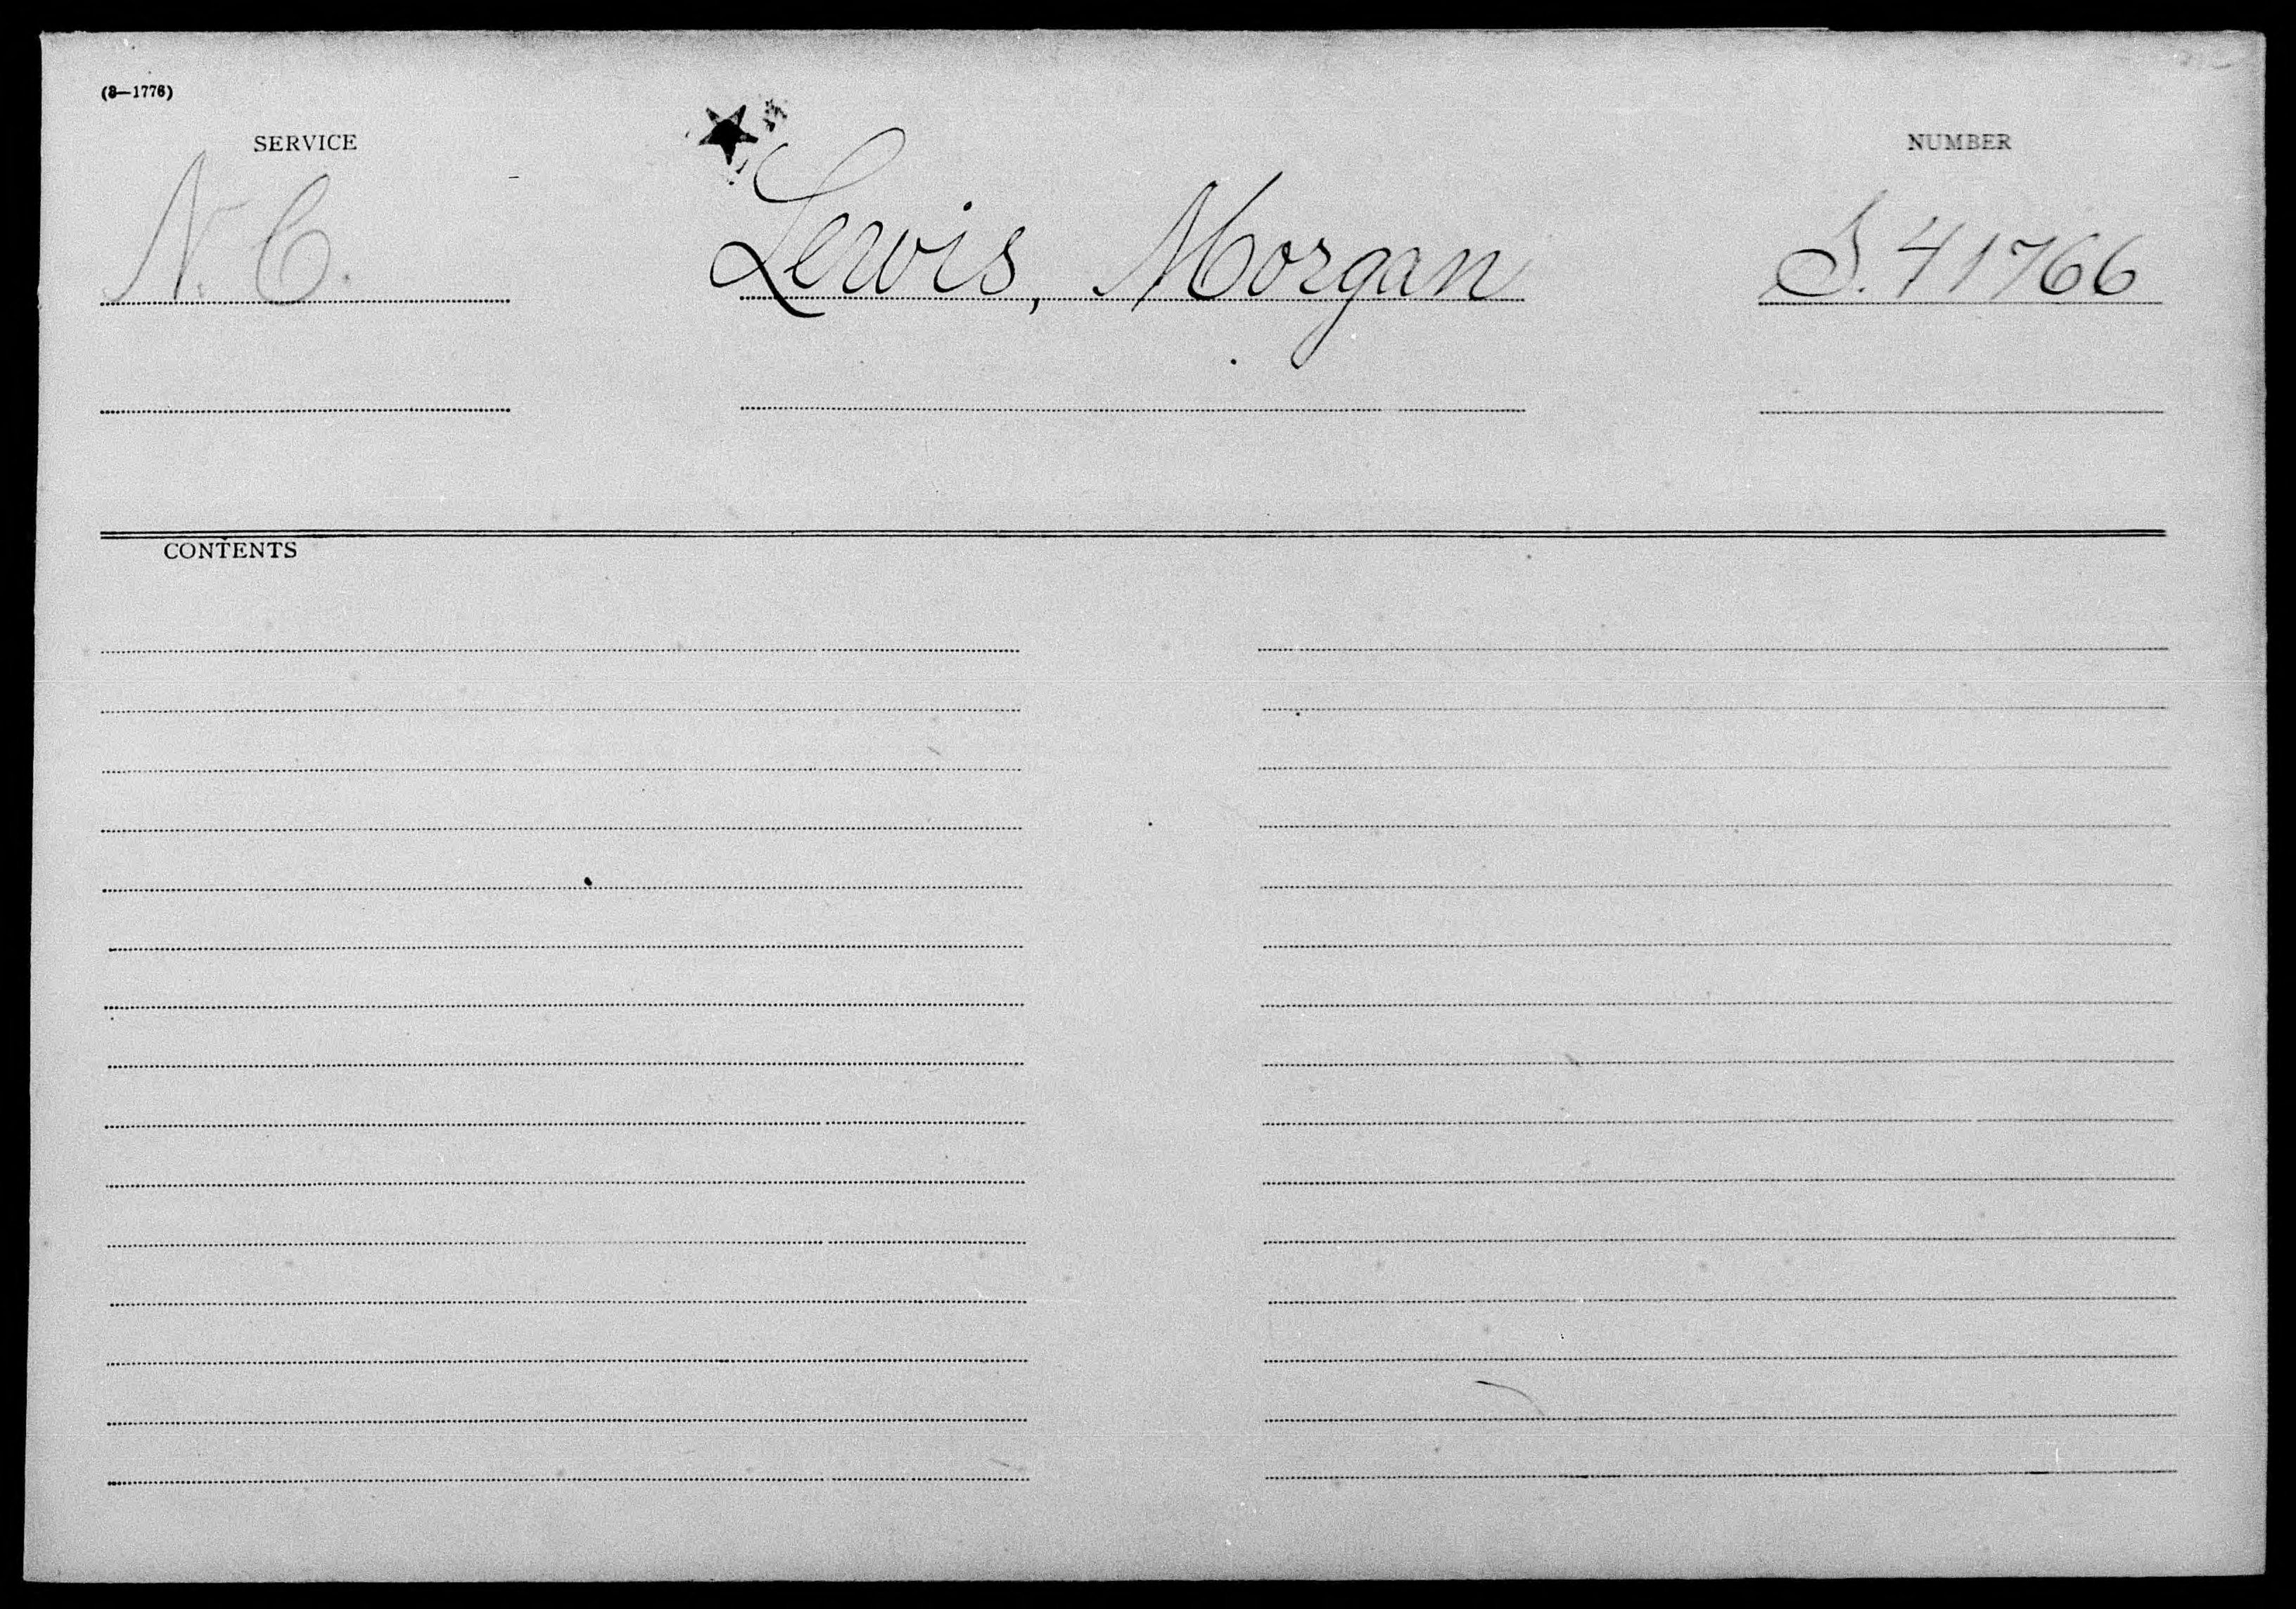(8—1776)

SERVICE
N. G.

Lewis, Morgan

NUMBER
S.41766

CONTENTS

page: 1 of 7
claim: survivor's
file: S. 41766, for Morgan Lewis, North Carolina